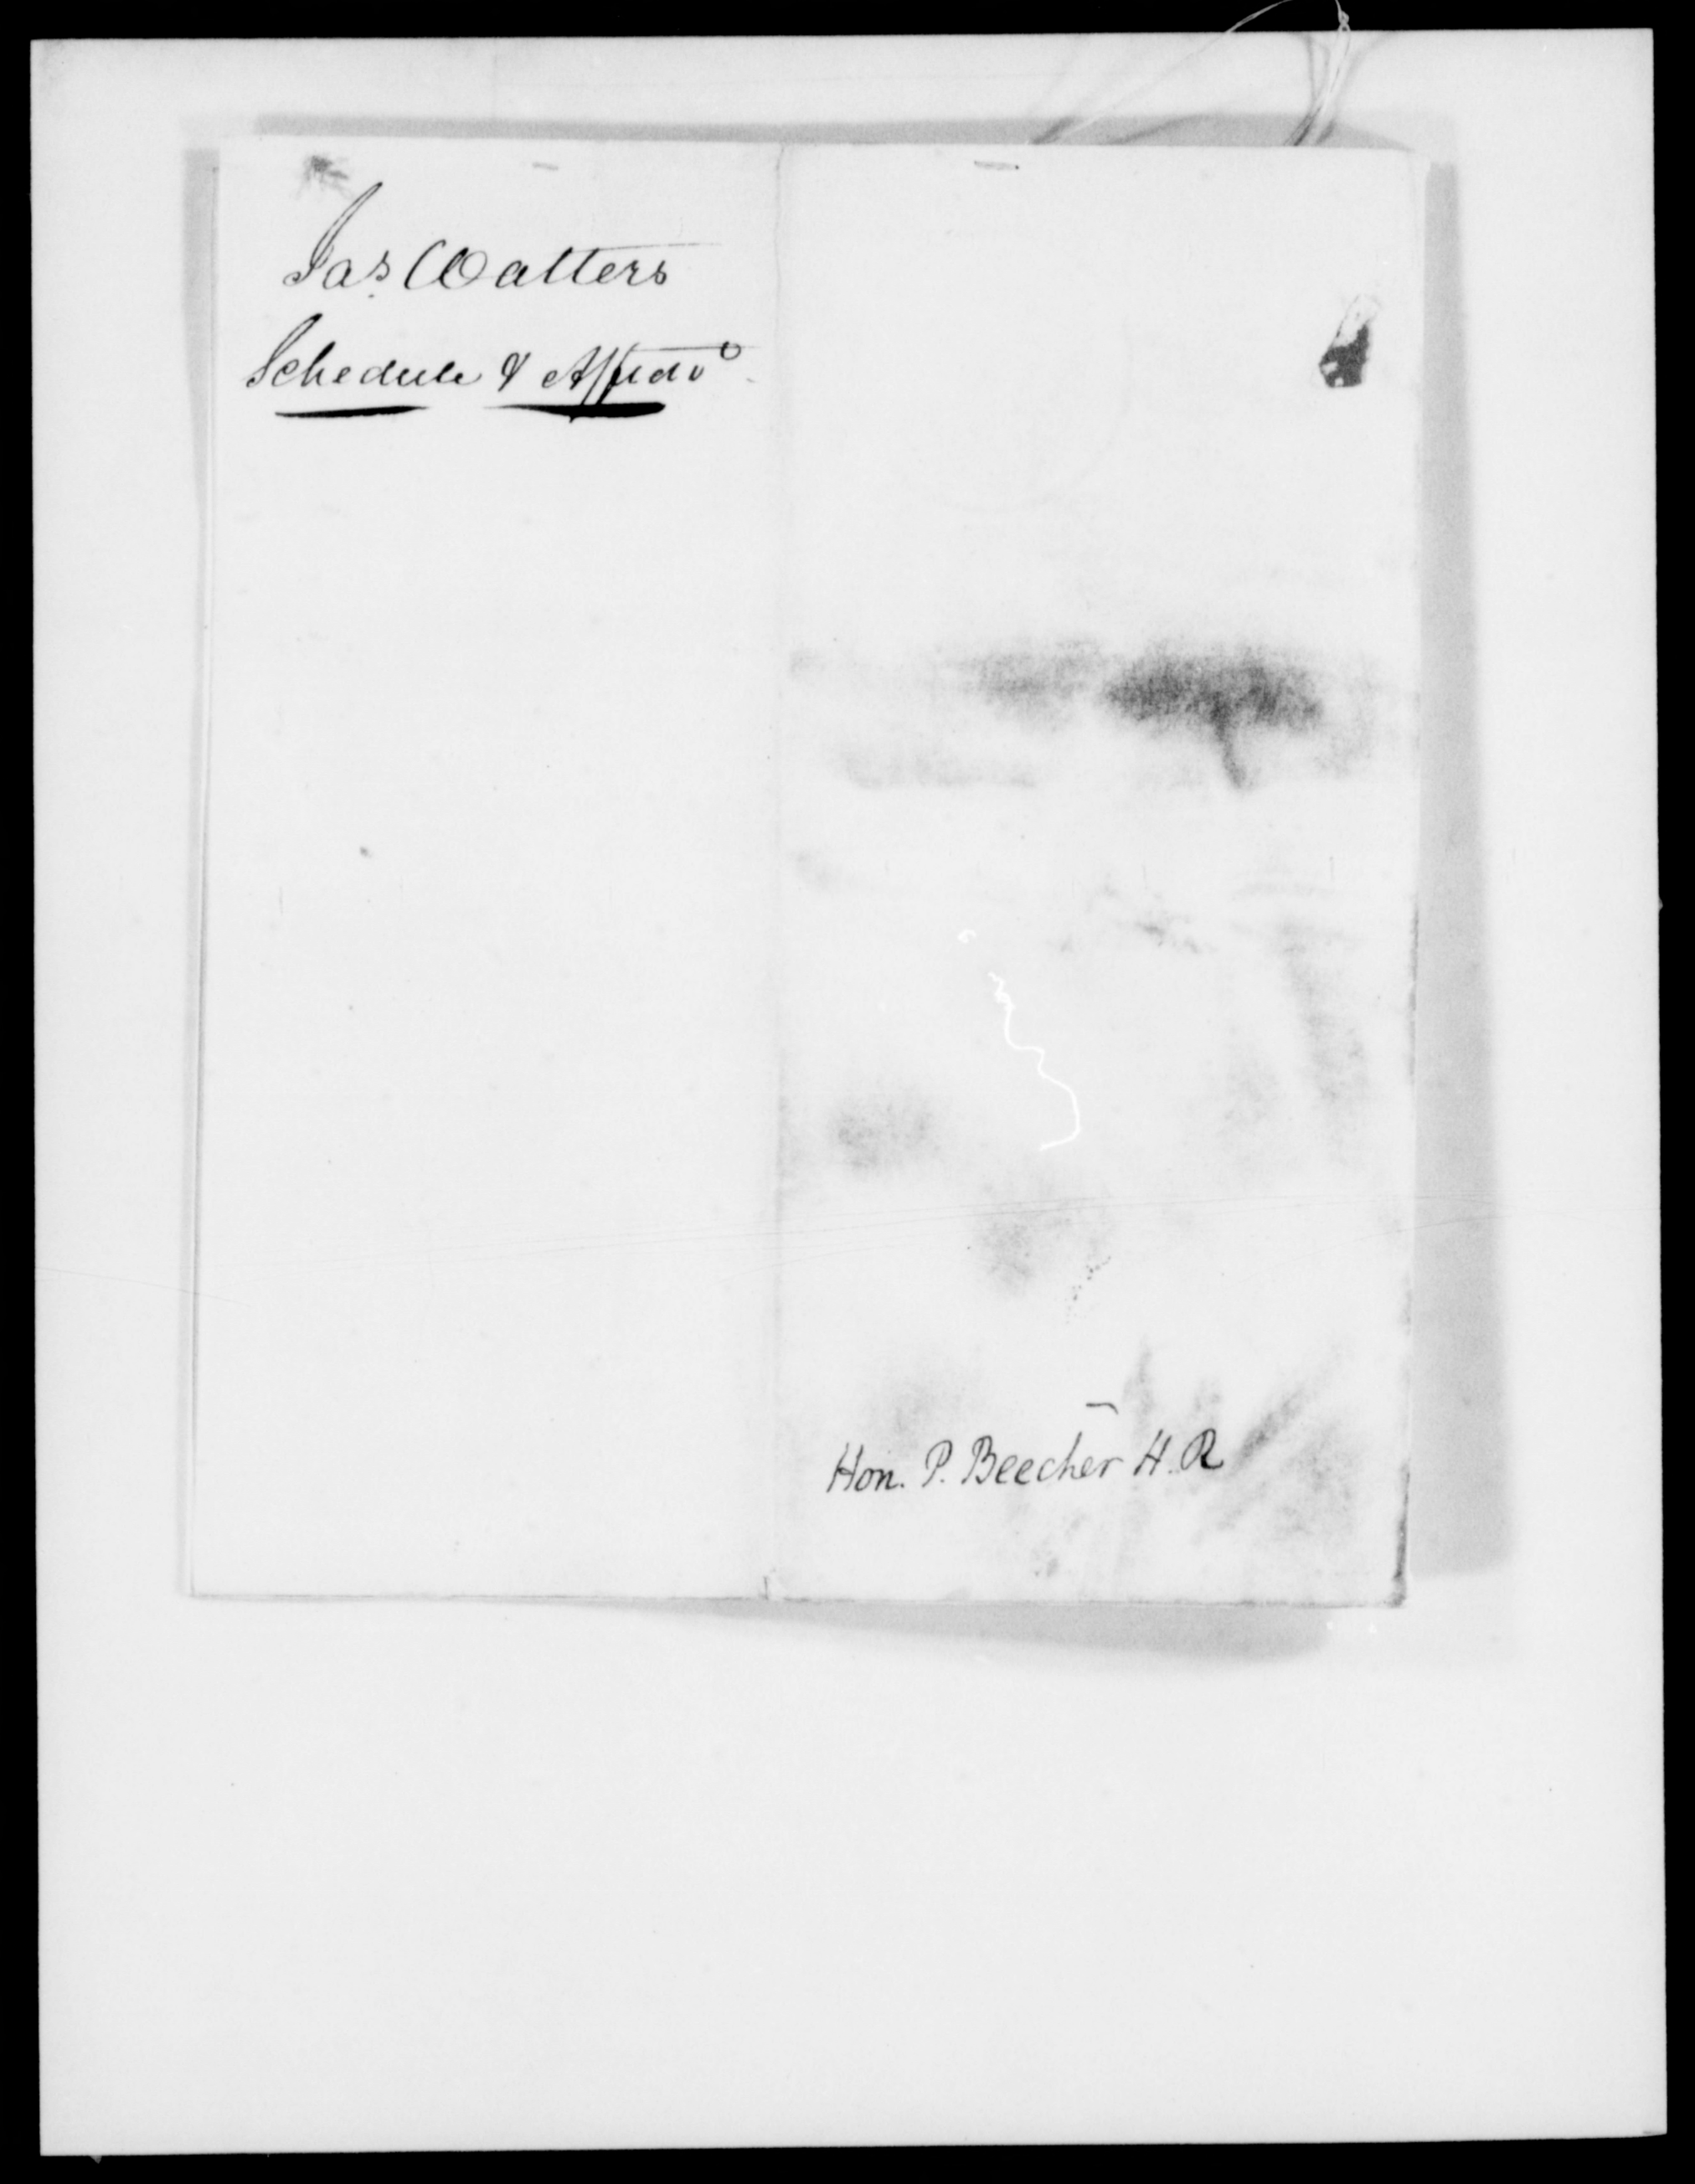Jas. Watters
Schedule & Affidat.
Hon. P. Beecher H.R.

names: P Beecher, Jas Watters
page: 4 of 29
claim: survivor's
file: S. 40642, James Waters, Continental (Md)